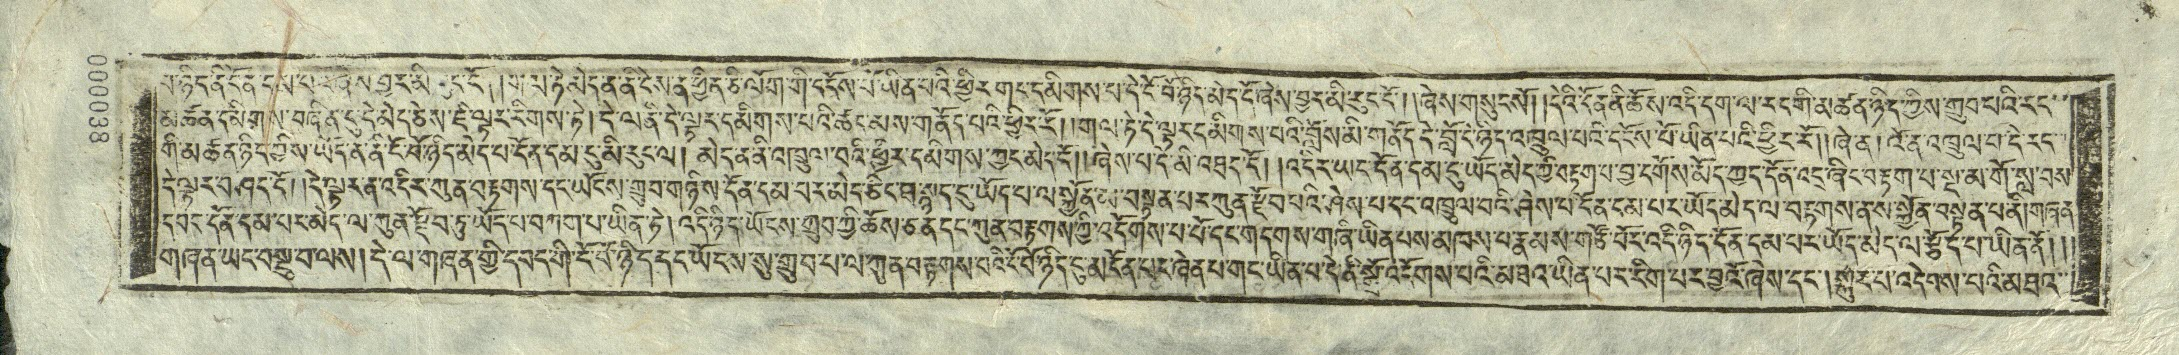པ་ཉིད་ནི་དོན་དམ་པའོ་ཞེས་བྱར་མི་རུང་ངོ། །གལ་ཏེ་མེད་ན་ནི་དེས་ན་ཕྱིན་ཅི་ལོག་གི་དངོས་པོ་ཡིན་པའི་ཕྱིར་གང་དམིགས་པ་དེ་ངོ་བོ་ཉིད་མེད་དོ་ཞེས་བྱར་མི་རུང་ངོ། །ཞེས་གསུངས་སོ། །དེའི་དོན་ནི་ཆོས་འདི་དག་ལ་རང་གི་མཚན་ཉིད་ཀྱིས་གྲུབ་པའི་རང་
མཚན་?་དམིགས་བཞིན་དུ་དེ་མེད་ཅེས་ཇི་ལྟར་རིགས་ཏེ། དེ་ལ་ནི་དེ་ལྟར་དམིགས་པའི་ཚད་མས་གནོད་པའི་ཕྱིར་རོ། །གལ་ཏེ་དེ་ལྟར་དམིགས་པའི་བློས་མི་གནོད་དེ་བློ་དེ་ཉིད་འཁྲུལ་པའི་དངོས་པོ་ཡིན་པའི་ཕྱིར་རོ། །ཞེ་ན། འོ་ན་འཁྲུལ་པ་དེ་རང་
གི་མཚན་ཉིད་ཀྱིས་ཡོད་ན་ནི་ངོ་བོ་ཉིད་མེད་པ་དོན་དམ་དུ་མི་རུང་ལ། མེད་ན་ནི་འཁྲུལ་པའི་ཕྱིར་དམིགས་ཀྱང་མེད་དོ། །ཞེས་པ་དེ་མི་འཐད་དོ། །འདིར་ཡང་དོན་དམ་དུ་ཡོད་མེད་ཀྱི་བརྟག་པ་བྱ་དགོས་མོད་ཀྱང་དོན་འདྲ་ཞིང་བརྟག་པ་སྔ་མ་གོ་སླ་བས་
དེ་ལྟར་བཤད་དོ། །དེ་ལྟར་ན་འདིར་ཀུན་བརྟགས་དང་ཡོངས་གྲུབ་གཉིས་དོན་དམ་པར་མེད་ཅིང་ཐ་སྙད་དུ་ཡོད་པ་ལ་སྐྱོན་མ་བསྟན་པར་ཀུན་རྫོབ་པའི་ཤེས་པ་དང་འཁྲུལ་པའི་ཤེས་པ་དོན་དམ་པར་ཡོད་མེད་ལ་བརྟགས་ནས་སྐྱོན་བསྟན་པ་ནི། གཞན་
དབང་དོན་དམ་པར་མེད་ལ་ཀུན་རྫོབ་ཏུ་ཡོད་པ་བཀག་པ་ཡིན་ཏེ། འདི་ཉིད་ཡོངས་གྲུབ་ཀྱི་ཆོས་ཅན་དང་ཀུན་བརྟགས་ཀྱི་འདོགས་པ་པོ་དང་གདགས་གཞི་ཡིན་བས་མཁས་པ་རྣམས་གཙོ་བོར་འདི་ཉིད་དོན་དམ་པར་ཡོད་མེད་ལ་རྩོད་པ་ཡིན་ནོ། །
གཞན་ཡང་བསྡུ་བ་ལས། དེ་ལ་གཞན་གྱི་དབང་གི་ངོ་བོ་ཉིད་དང་ཡོངས་སུ་གྲུབ་པ་ལ་ཀུན་བརྟགས་པའི་ངོ་བོ་ཉིད་དུ་མངོན་པར་ཞེན་པ་གང་ཡིན་པ་དེ་ནི་སྒྲོ་འདོགས་པའི་མཐའ་ཡིན་པར་རིག་པར་བྱའོ་ཞེས་དང་། སྐུར་པ་འདེབས་པའི་མཐའ་